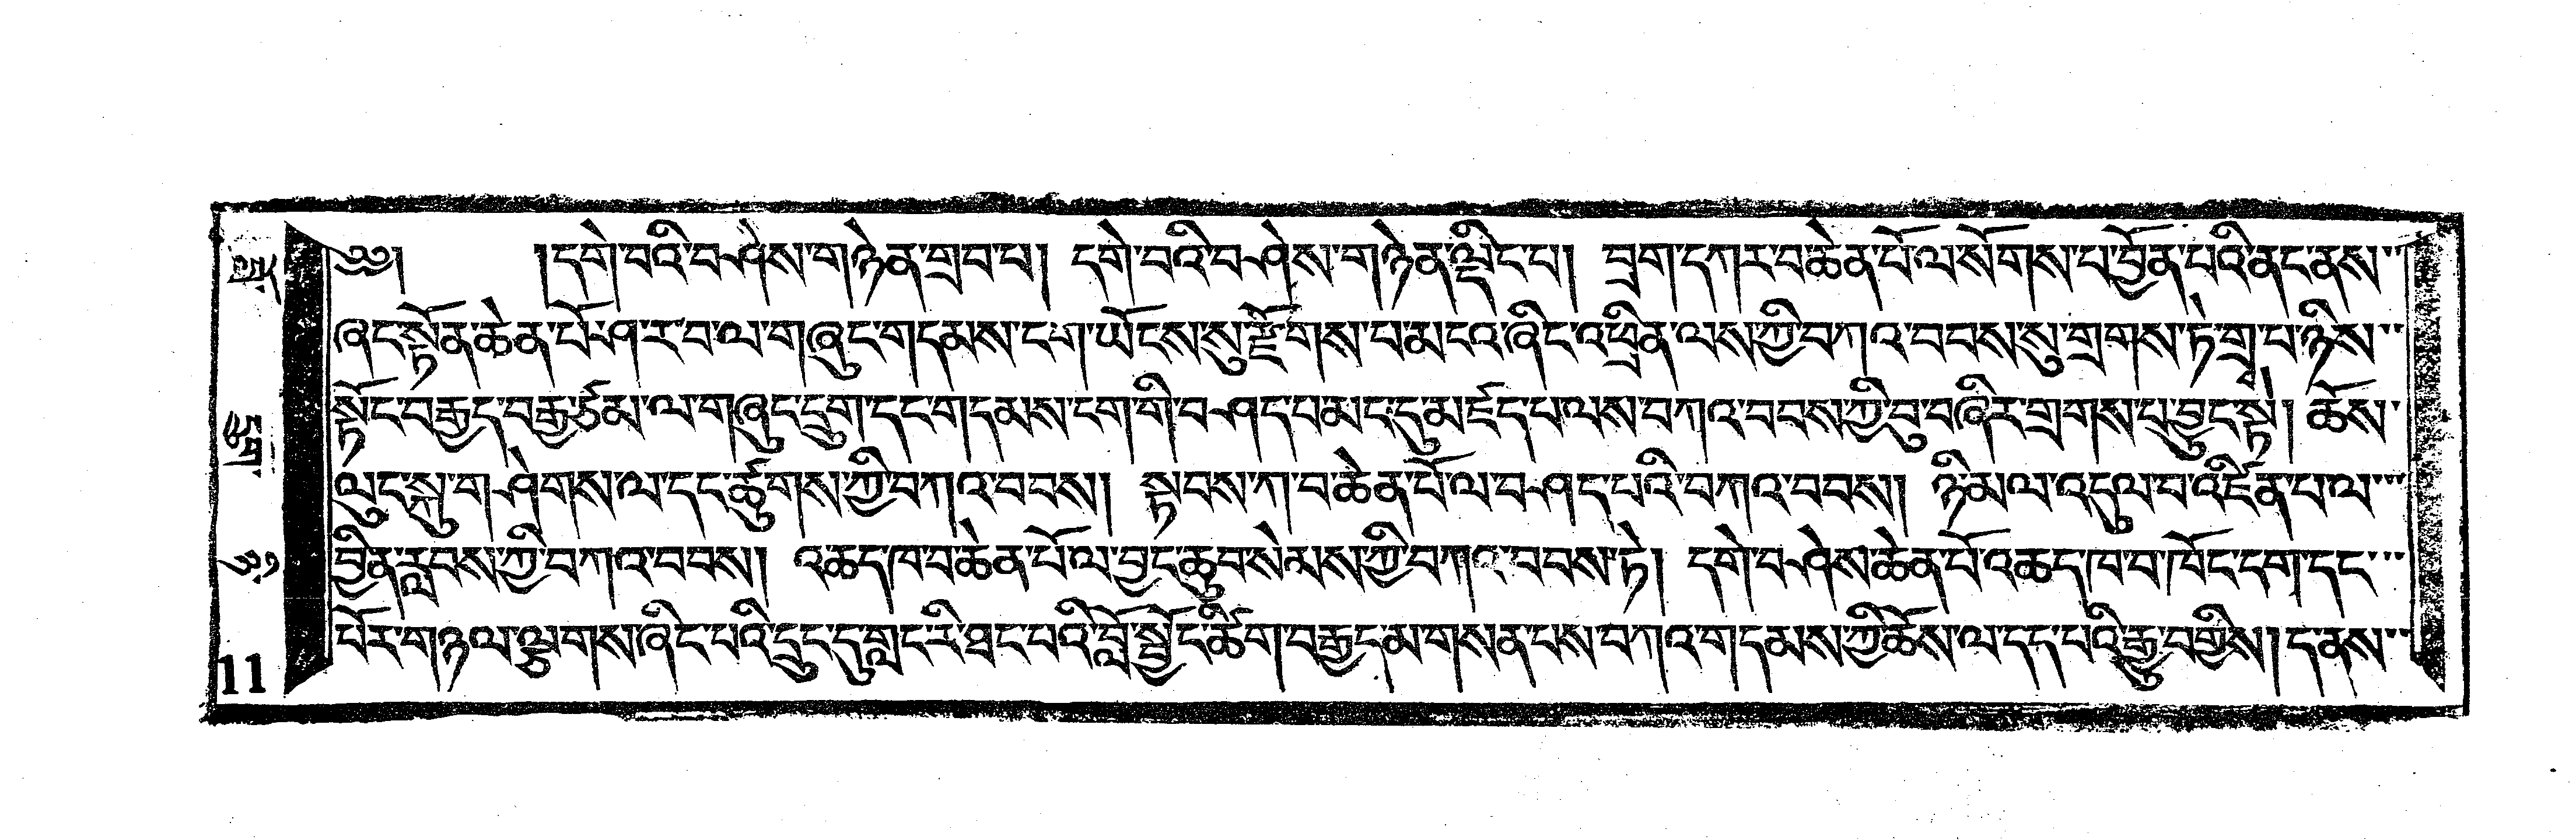༄༅། །དགེ་བའི་བཤེས་གཉེན་གྲབ་པ། དགེ་བའི་བཤེས་གཉེན་ལྡིང་པ། བྲག་དཀར་བ་ཆེན་པོ་ལ་སོགས་པ་བྱོན་པའི་ནང་ནས་
ཞང་སྟོན་ཆེན་པོ་ཤ་ར་བ་ལ་གཞུང་གདམས་ངག་ཡོངས་སུ་རྫོགས་པ་མངའ་ཞིང་འཕྲིན་ལས་ཀྱི་བཀའ་བབས་སུ་གྲགས་ཏེ་གྲྭ་པ་ཉིས་
སྟོང་བརྒྱད་བརྒྱ་ཙམ་ལ་གཞུང་དྲུག་དང་གདམས་ངག་གི་བཤད་པ་མང་དུ་མཛད་པ་ལས་བཀའ་བབས་ཀྱི་བུ་བཞིར་གྲགས་པ་བྱུང་སྟེ། ཆོས་
ལུང་སྐུ་གཤེགས་ལ་དང་ཚུགས་ཀྱི་བཀའ་བབས། སྟབས་ཀ་བ་ཆེན་པོ་ལ་བཤད་པའི་བཀའ་བབས། ཉི་མལ་འདུལ་བ་འཛིན་པ་ལ་
བྱིན་རླབས་ཀྱི་བཀའ་བབས། འཆད་ཁ་བ་ཆེན་པོ་ལ་བྱང་ཆུབ་སེམས་ཀྱི་བཀའ་བབས་ཏེ། དགེ་བཤེས་ཆེན་པོ་འཆད་ཁ་བ་ཁོང་དག་དང་
པོར་གཉལ་ལྕགས་ཞིང་པའི་དྲུང་དུ་གླང་རི་ཐང་བའི་བློ་སྦྱོང་ཚིག་བརྒྱད་མ་གསན་པས་བཀའ་གདམས་ཀྱི་ཆོས་ལ་དད་པའི་རྒྱུ་བགྱིས། ད་ནས་